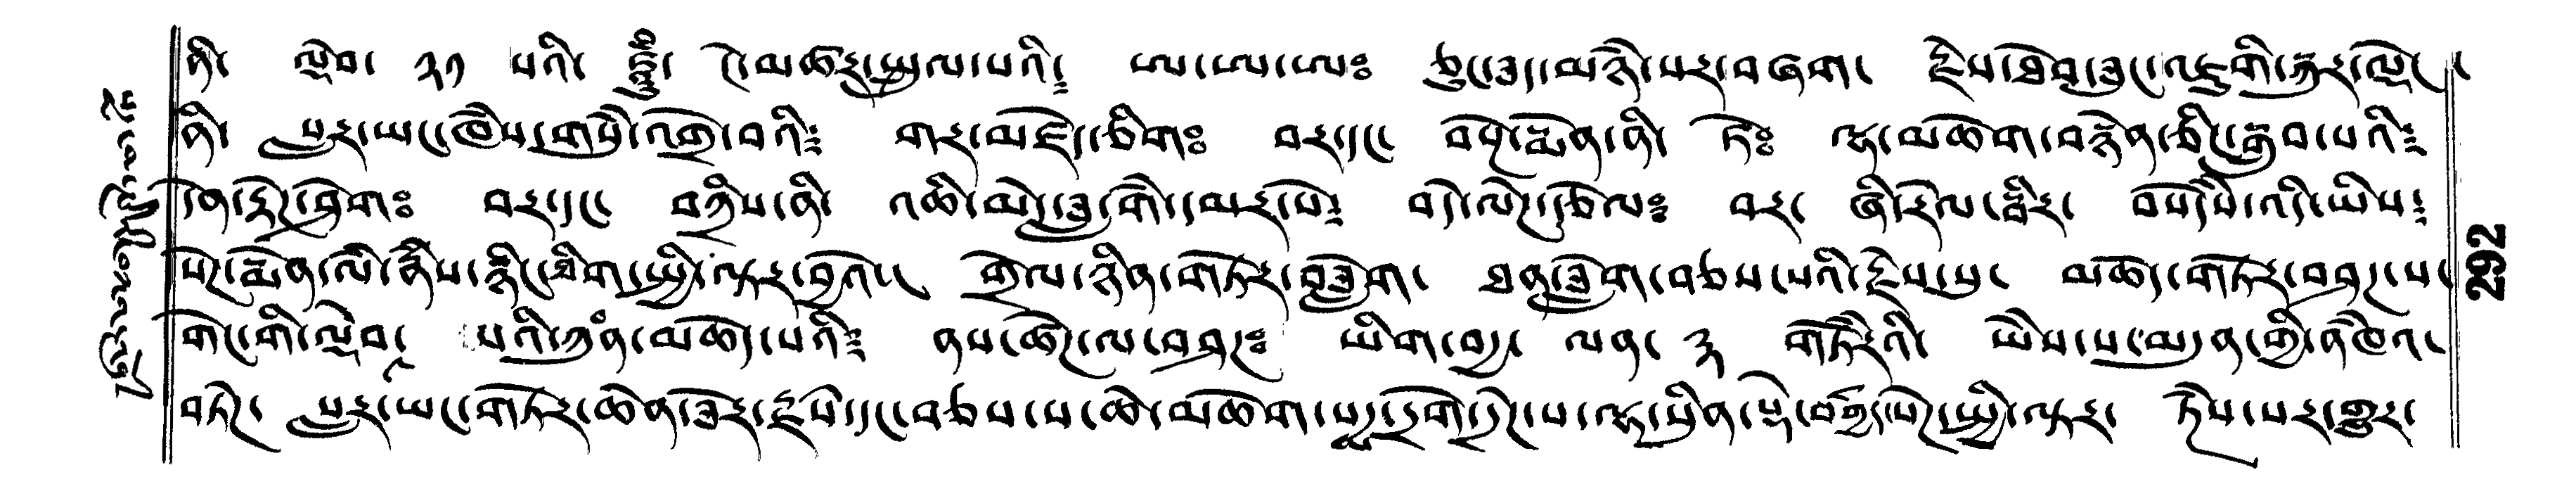ནི། ལྡེབ་ཉེར་གཅིག་པའི། ཧཱུྃ༔ ངོ་མཚར་སྤྲུལ་པའི༴ ཨ་ཨ་ཨཱཿ ཅུང་ཟད་མཉམ་པར་བཞག རྗེས་ཐོབ་ཟུང་འཇུག་གི་སྐུར་ལྡང་བ་
ནི། སླར་ཡང་ཁམས་གསུམ་འགྲོ་བའི༴ གར་མཛོད་ཅིག༔ བར་དང་། བསྔོ་སྨོན་ནི། ཧོཿ ལྷ་མཆོག་བསྙེན་ཅིང་སྒྲུབ་པའི༴ 
དོན་རྟོགས་ཤོག༔ བར་དང་། བཀྲ་ཤིས་ནི། འཆི་མེད་ཟླ་གམ་དམར་པོ༴ བདེ་ལེགས་རྩོལ༔ བར། ཞི་རོལ་སྦིར། བསོད་ནམས་འདི་ཡིས༴ 
སོགས་སྨོན་ལམ་རྣམས་སྙིང་ཐིག་སྤྱི་ལྟར་བྱའོ།། གྲོལ་ཉིན་གཏོར་བཟློག་ཐན་ཟློག་བཅས་པའི་རྗེས་སུ། མཆོད་བསྟོད་བཤགས་པ། 
གོང་གི་ལྡེབ་དགུ་པའི། ཀུན་བཟང་མཆོད་པའི༴ ནས། ས ཚོགས་ལ་བཤགསཿ ཡིག་བརྒྱ་ལན་གསུམ། གཏོར་མའི་ཡེ་ཤེས་ས་མདུན་གྱི་ནམ་མཁའ་
བཏེགས། སླར་ཡང་གཏོར་ཆེན་ཟོར་རྫས་དང་བཅས་པ་ཆེ་མཆོག་པདྨ་དྲག་པོ་དྲེགས་པ་ལྷ་སྲིན་སྡེ་བརྒྱད༴ སོགས་སྤྱི་ལྟར། རྔམས་པར་གྱུར།